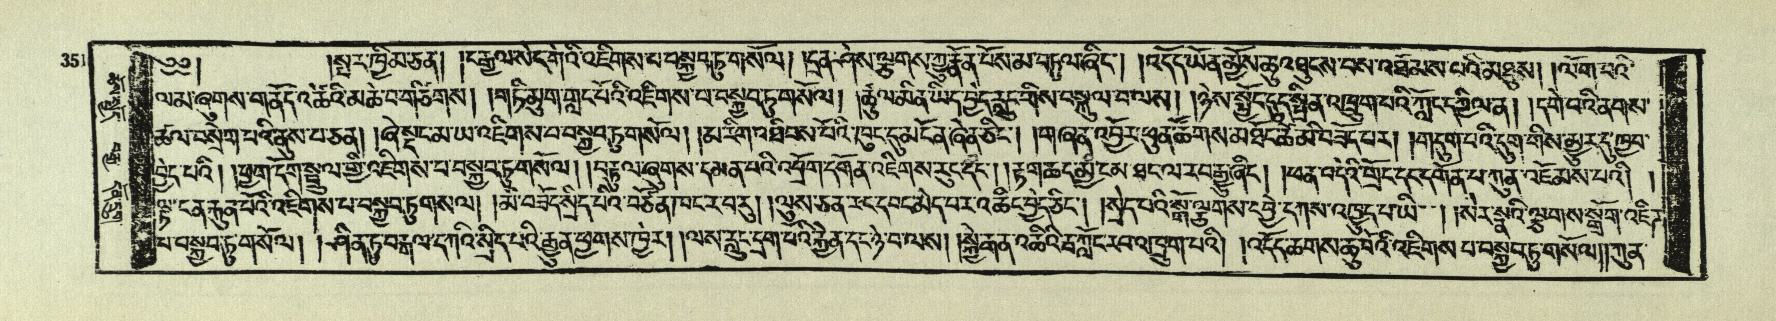༄༅། །སྤར་ཁྱིམ་ཅན། །ང་རྒྱལ་སེང་གེའི་འཇིགས་པ་བསྐྱབ་ཏུ་གསོལ། །དྲན་ཤེས་ལྕགས་ཀྱུ་རྣོན་པོས་མ་བཏུལ་ཞིང་། །འདོད་ཡོན་མྱོས་ཆུ་འཐུངས་བས་འཐོམས་པའི་མཐུས། །ལོག་པའི་
ལམ་ཞུགས་གནོད་འཚེའི་མཆེ་བ་གཙིགས། །གཏི་མུག་གླང་པོའི་འཇིགས་པ་བསྐྱབ་ཏུ་གསོལ། །ཚུལ་མིན་ཡིད་བྱེད་རླུང་གིས་བསྐུལ་བ་ལས། །ཉེས་སྤྱོང་དུད་སྤྲིན་འཁྲུག་པའི་ཀློང་དཀྱིལ་ན། །དགེ་བའི་ནགས་
ཚལ་བསྲེག་པའི་ནུས་པ་ཅན། །ཞེ་སྡང་མ་ཡ་འཇིགས་པ་བསྐྱབ་ཏུ་གསོལ། །མ་རིག་འཐིབས་པོའི་ཁུང་དུ་མངོན་ཞེན་ཅིང་། །གཞན་འབྱོར་ཕུན་ཚོགས་མཐོང་ཚེ་མི་བཟོད་པར། །གདུག་པའི་དུག་གིས་མྱུར་དུ་ཁྱབ་
བྱེད་པའི། །ཕྱག་དོག་སྦྲུལ་གྱི་འཇིགས་པ་བསྐྱབ་ཏུ་གསོལ། །བརྟུལ་ཞུགས་དམན་པའི་འབྲོག་དགོན་འཇིགས་རུང་དང་། །རྟག་ཆད་མྱཾ་ངམ་ཐང་ལ་རབ་རྒྱུ་ཞིང་། །ཕན་བདེའི་གྲོང་དང་དགོན་པ་ཀུན་འཇོམས་པའི། །
ཕ༹ལྟ་ངན་རྐུན་པོའི་འཇིགས་པ་བསྐྱབ་ཏུ་གསལ། །མ་བཟོད་སྲིད་པའི་བཙོན་ཁང་ར་བ་རུ། །ལུས་ཅན་རང་དབང་མེད་པར་འཆིང་བྱེད་ཅིང་། །སྲེད་པའི་སྒོ་ལྕགས་དབྱེ་དཀས་འཁྱུད་པ་ཡི། །སེར་སྣའི་ལྕགས་སྒྲོག་འཇིཌ་
པ་བསྐྱབ་ཏུ་གསོལ། །ཤིན་ཏུ་བརྒལ་དཀའི་སྲིད་པའི་རྒྱུན་ཕྱགས་ཁྱེར། །ལས་རླུང་དྲག་པོའི་རྐྱེན་དང་ཉེ་བ་ལས། །སྐྱེ་རྒན་འཆིའི་རབ་ཀློང་རབ་འཁྲུག་པའི། །འདོད་ཆགས་ཆུ་བོའི་འཇིགས་པ་བསྐྱབ་ཏུ་གསོལ། །ཀུན་